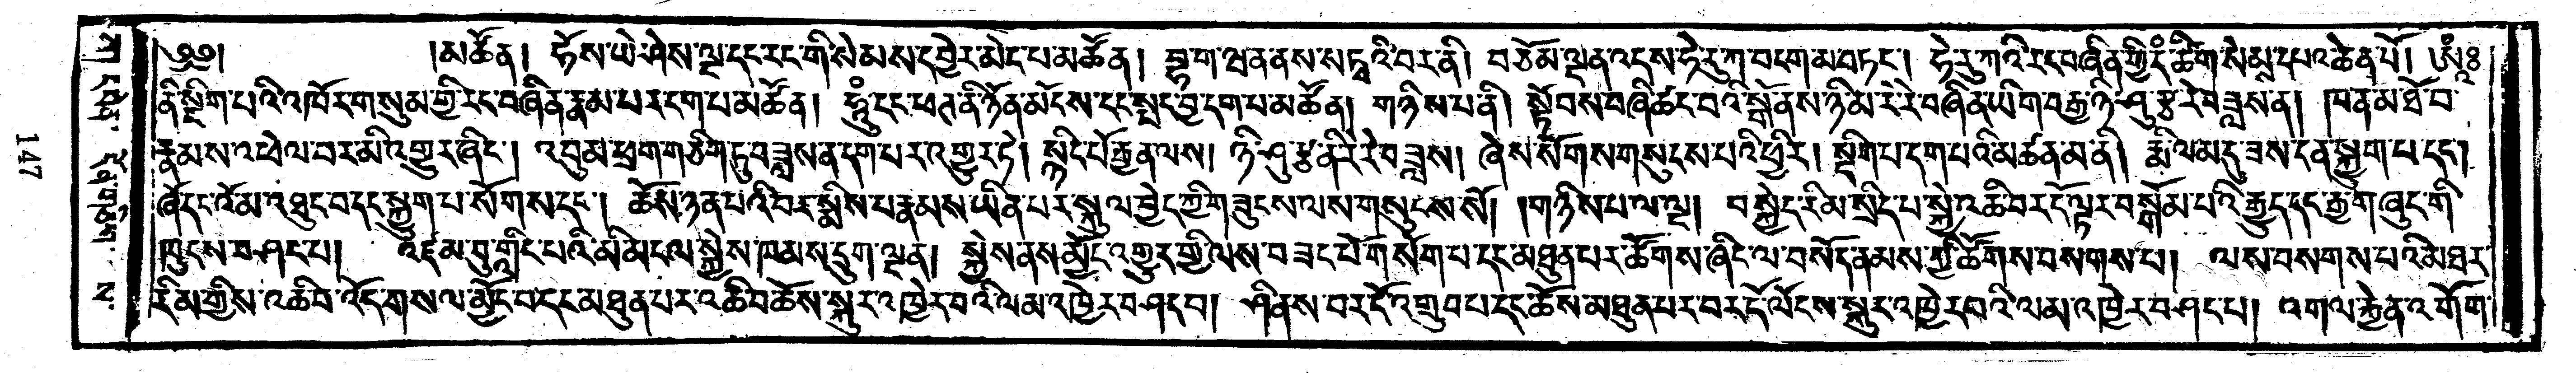༄༅། །མཚོན། ཧོས་ཡེ་ཤེས་ལྔ་དང་རང་གི་སེམས་དབྱེར་མེད་པ་མཚོན། བྷ་ག་ཝན་ནས་སཏྭའི་བར་ནི། བཅོམ་ལྡན་འདས་ཧེ་རུ་ཀ་བདག་མ་བཏང་། ཧེ་རུ་ཀའི་རང་བཞིན་གྱི་དཾ་ཚིག་སེམས་དཔའ་ཆེན་པོ། ཨཱཾཿ
ནི་སྡིག་པའི་འཁོར་གསུམ་གྱི་རང་བཞིན་རྣམ་པར་དག་པ་མཚོན། ཧཱུཾ་དང་ཕཊ་ནི་ཉོན་མོངས་དང་སྤང་བྱ་དག་པ་མཚོན། གཉིས་པ་ནི། སྟོབས་བཞི་ཚང་བའི་སྒོ་ནས་ཉི་མ་རེ་རེ་བཞིན་ཡིག་བརྒྱ་ཉི་ཤུ་རྩ་རེ་བཟླས་ན། ཁ་ན་མ་ཐོ་བ་
རྣམས་འཕེལ་བར་མི་འགྱུར་ཞིང་། འབུམ་ཕྲག་གཅིག་ཏུ་བཟླས་ན་དག་པར་འགྱུར་ཏེ། སྙིང་པོ་རྒྱན་ལས། ཉི་ཤུ་རྩ་ནི་རེ་རེ་བཟླས། ཞེས་སོགས་གསུངས་པའི་ཕྱིར། སྡིག་པ་དག་པའི་མཚན་མ་ནི། རྨི་ལམ་དུ་ཟས་ངན་སྐྱུག་པ་དང་།
ཞོ་དང་འོ་མ་འཐུང་བ་དང་སྐྱུག་པ་སོགས་དང་། ཆོས་ཉན་པའི་བར་སྨིས་པ་རྣམས་ཡིན་པར་སྐུལ་བྱེད་ཀྱི་གཟུངས་ལས་གསུངས་སོ། །གཉིས་པ་ལ་ལྔ། བསྐྱེད་རིམ་སྲིད་པ་སྐྱེ་འཆི་བར་དོ་ལྟར་བསྒོམ་པའི་རྒྱུད་དང་རྒྱ་གཞུང་གི་
ཁུངས་བཤད་པ། འཛམ་བུ་གླིང་པའི་མི་མངལ་སྐྱེས་ཁམས་དྲུག་ལྡན། སྐྱེས་ནས་མྱོང་འགྱུར་གྱི་ལས་བཟང་པོ་གསོག་པ་དང་མཐུན་པར་ཚོགས་ཞིང་ལ་བསོད་ནམས་ཀྱི་ཚོགས་བསགས་པ། ལས་བསགས་པའི་མཐར་
རིམ་གྱིས་འཆི་བ་འོད་གསལ་མྱོང་བ་དང་མཐུན་པར་འཆི་བ་ཆོས་སྐུར་འཁྱེར་བའི་ལམ་འཁྱེར་བཤད་བ། ཤི་ནས་བར་ངོ་འགྲུབ་པ་དང་ཆོས་མཐུན་པར་བར་དོ་ལོངས་སྐུར་འཁྱེར་བའི་ལམ་འཁྱེར་བཤད་པ། འགལ་རྐྱེན་འགོག་